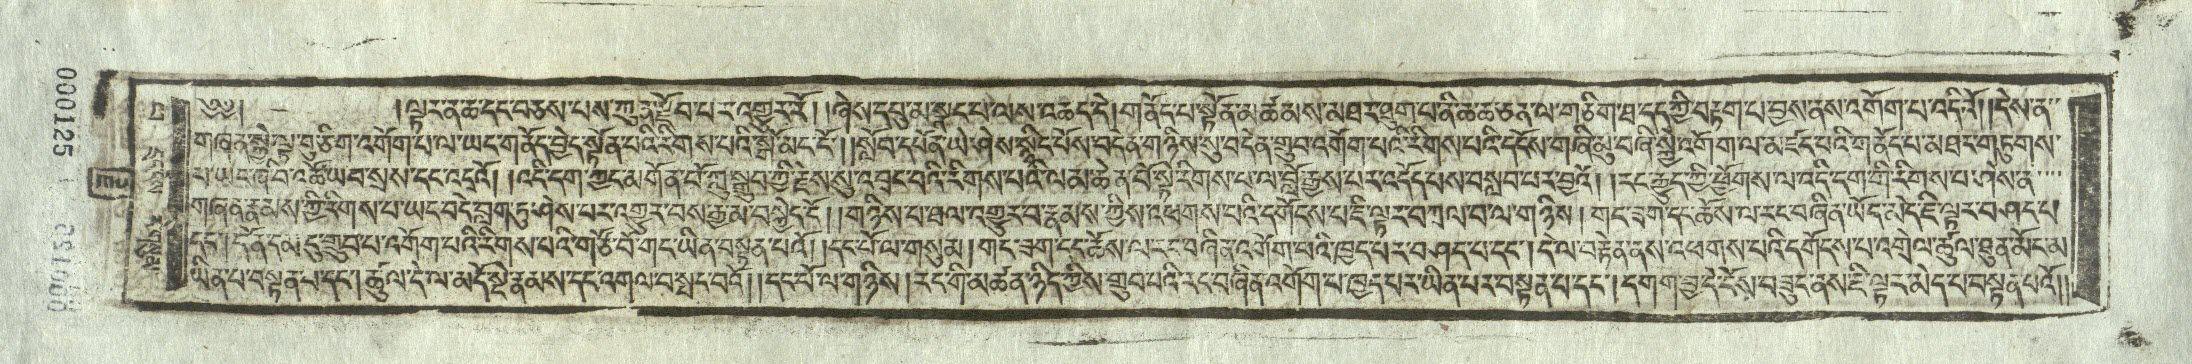༄༅། །ལྟར་ན་ཆ་དང་བཅས་པས་ཀུན་རྫོབ་པར་འགྱུར་རོ། །ཞེས་དབུ་མ་སྣང་བ་ལས་འཆད་དེ། གནོད་པ་སྟོན་མཚམས་མཐར་ཐུག་པ་ནི་ཆ་ཆ་ཅན་ལ་གཅིག་ཐ་དད་ཀྱི་བརྟག་པ་བྱས་ནས་འགོག་པ་འདིའོ། །དེས་ན་
གཞན་སྐྱ་ལྟ་བུ་ཅིག་འགོག་པ་ལ་ཡང་གནོད་བྱེད་སྟོན་པའི་རིགས་པའི་སྒོ་མང་ངོ། །སློབ་དཔོན་ཡེ་ཤེས་སྙིང་པོས་བདེན་གཉིས་སུ་བདེན་གྲུབ་འགོག་པའི་རིགས་པའི་དངོས་གཞི་མུ་བཞི་སྐྱེ་འགོག་ལ་མཛད་པའི་གནོད་པ་མཐར་གཏུགས་
པ་ཡང་ཞིབ་འཚོ་ཡབ་སྲས་དང་འདྲའོ། །འདི་དག་ཀྱང་མགོན་པོ་ཀླུ་སྒྲུབ་ཀྱི་རྗེས་སུ་འབྲང་བའི་རིགས་པའི་ལམ་ཆེན་པོ་སྟེ་རིགས་པ་ལ་བློ་རྒྱས་པར་འདོད་པས་བསླབ་པར་བྱའོ། །རང་རྒྱུད་ཀྱི་ཕྱོགས་ལ་འདི་དག་གི་རིགས་པ་ཤེས་ན་
གཞན་རྣམས་ཀྱི་རིགས་པ་ཡང་བདེ་བླག་ཏུ་ཤེས་པར་འགྱུར་བས་རྒྱ་མ་བསྐྱེད་དོ། །གཉིས་པ་ཐལ་འགྱུར་བ་རྣམས་ཀྱིས་འཕགས་པའི་དགོངས་པ་ཇི་ལྟར་བཀྲལ་བ་ལ་གཉིས། གང་ཟག་དང་ཆོས་ལ་རང་བཞིན་ཡོད་མེད་ཇི་ལྟར་བཤད་པ་
དང་། དོན་དམ་དུ་གྲུབ་པ་འགོག་པའི་རིགས་པའི་གཙོ་བོ་གང་ཡིན་བསྟན་པའོ། །དང་པོ་ལ་གསུམ། གང་ཟག་དང་ཆོས་ལ་རང་བཞིན་འགོག་པའི་ཁྱད་པར་བཤད་པ་དང་། དེ་ལ་བརྟེན་ནས་འཕགས་པའི་དགོངས་པ་འགྲེལ་ཚུལ་ཐུན་མོང་མ་
ཡིན་པ་བསྟན་པ་དང་། ཚུལ་དེ་ལ་མདོ་སྡེ་རྣམས་དང་འགལ་བ་སྤང་བའི། །དང་པོ་ལ་གཉིས། རང་གི་མཚན་ཉིད་ཀྱིས་གྲུབ་པའི་རང་བཞིན་འགོག་པ་ཁྱད་པར་ཡིན་པར་བསྟན་པ་དང་། དགག་བྱ་དེ་ངོས་བཟུང་ནས་ཇི་ལྟར་མེད་པ་བསྟན་པའོ། །